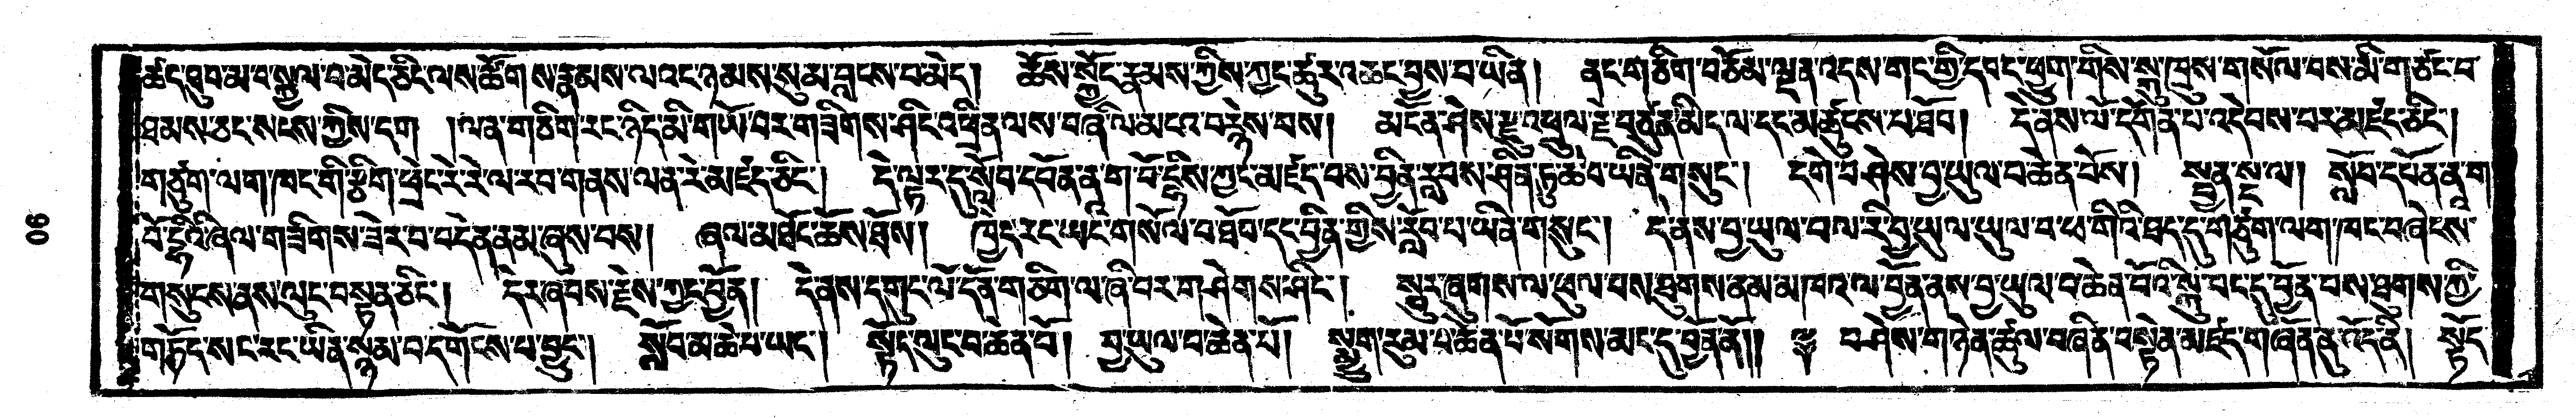ཚད་ཐུབ་མ་བསྐྱལ་བ་མེད་ཅིང་ལས་ཚོགས་རྣམས་ལའང་ཉམས་སུ་མ་བླངས་བ་མེད། ཆོས་སྐྱོང་རྣམས་ཀྱིས་ཀྱང་ཚུར་འཆང་བྱས་བ་ཡིན། ནང་གཅིག་བཅོམ་ལྡན་འདས་གང་གྱི་དབང་ཕྱུག་གིས་སྐུ་ཁྲུས་གསོལ་བས་མི་གཙང་བ་
ཐམས་ཅད་སངས་ཀྱིས་དག །ལན་གཅིག་རང་ཉིད་མི་གཡོ་བར་གཟིགས་ཤིང་འཕྲིན་ལས་བཞི་ལ་མངའ་བརྙེས་པས། མངོན་ཤེས་རྫུ་འཕྲུལ་རྗེ་བཙུན་མིད་ལ་དང་མཚུངས་པ་ཐོབ། དེ་ནས་ལོ་དགོན་པ་འདེབས་པར་མཛད་ཅིང་།
གཙུག་ལག་ཁང་གི་རྩིག་ཕྲེང་རེ་རེ་ལ་རབ་གནས་ལན་རེ་མཛད་ཅིང་། དེ་ལྟར་དུ་སློབ་དཔོན་ནཱ་ག་བོ་དྷིས་ཀྱང་མཛད་བས་བྱིན་རླབས་ཤིན་ཏུ་ཆེ་བ་ཡིན་གསུང་། དགེ་བཤེས་བྱ་ཡུལ་བ་ཆེན་པོས། སྤྱན་སྔ་ལ། སློབ་དཔོན་ནཱ་ག་
བོ་དྷིའི་ཞལ་གཟིགས་ཟེར་བ་བདེན་ནམ་ཞུས་པས། ཞལ་མཐོང་ཆོས་ཐོས། ཁྱེད་རང་ཡང་གསོལ་བ་ཐོབ་དང་བྱིན་གྱིས་རློབ་པ་ཡིན་གསུངས། དེ་ནས་བྱ་ཡུལ་བ་ལ་རི་བྱ་ཡུལ་ཡུལ་བ་ཕ་གིའི་ཐད་དུ་གཙུག་ལག་ཁང་བཞེངས་
གསུངས་ནས་ལུང་བསྟན་ཅིང་། དེར་ཞབས་རྗེས་ཀྱང་བྱོན། དེ་ནས་དགུང་ལོ་དོན་གཅིག་ལ་ཞི་བར་གཤེགས་ཤིང་། སྦུར་ཞུགས་ལ་ཕུལ་བས་ཐུགས་ནམ་མཁའ་ལ་བྱོན་ནས་བྱ་ཡུལ་བ་ཆེན་པོའི་སྐུ་བང་དུ་བྱོན་པས་ཐུགས་ཀྱི་
གཏོད་སང་རང་ཡིན་སྙམ་བ་དགོངས་པ་བྱུང་། སློབ་མ་ཆེ་བ་ཡང་། སྟོད་ལུང་བ་ཆེན་པོ། བྱ་ཡུལ་བ་ཆེན་པོ། སྨྱུག་རུམ་པ་ཆེན་པོ་སོགས་མང་དུ་བྱོན་ནོ།། ༈ བཤེས་གཉེན་ཚུལ་བཞིན་བསྟེན་མཛད་གཞོན་ནུ་འོད་ནི། སྟོན་